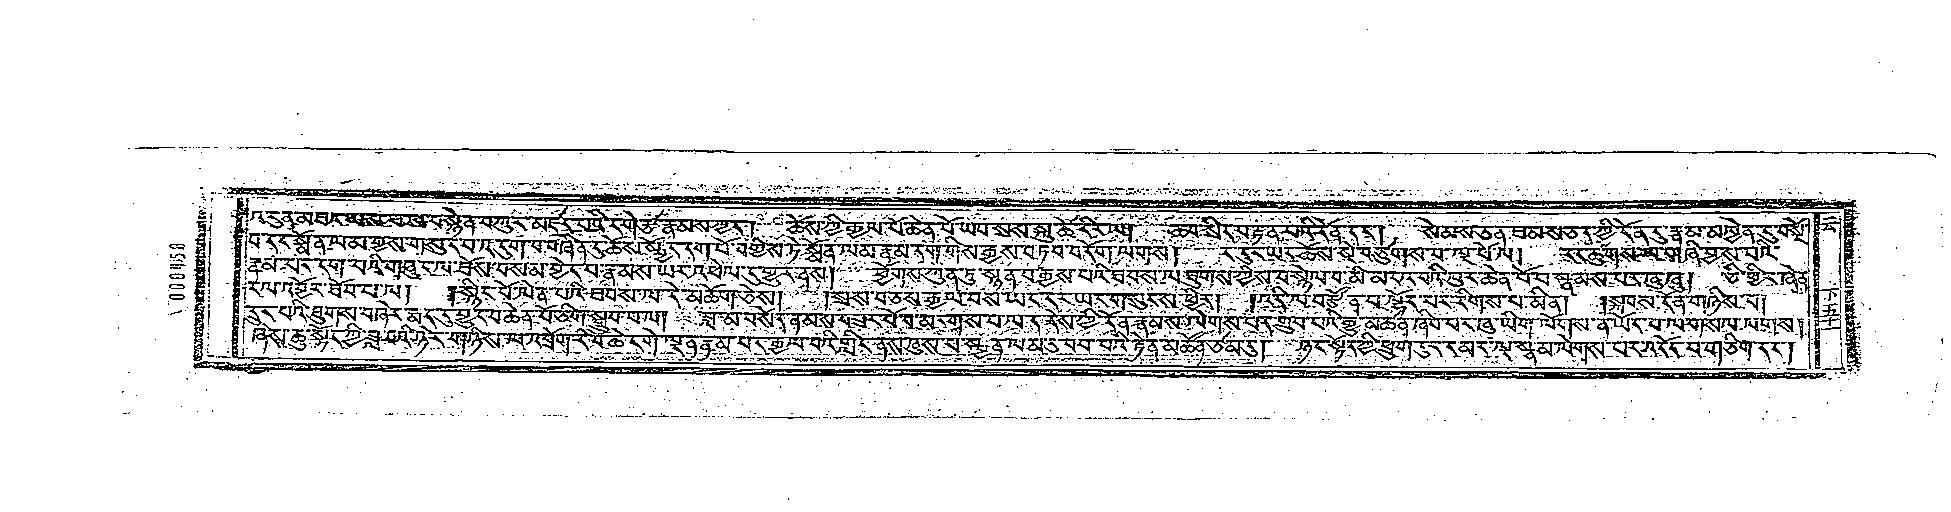འདུན་མཐའ་ཡས་པ་ལ་བསྙེན་བཀུར་མཛད་པའི་དགེ་རྩ་རྣམས་ཀྱང་། ཆོས་ཀྱི་རྒྱལ་པོ་ཆེན་པོ་ཡབ་སྲས་སྐུ་ཚེ་རིང་ལ། ཆབ་སྲིད་བརྟན་པའི་དོན་དང་། སེམས་ཅན་ཐམས་ཅད་ཀྱི་དོན་དུ་རྣམ་མཁྱེན་དུ་བསྔོ་
བ་དང་སྨོན་ལམ་གྱིས་གསུང་བ་འདུག་བ་བཞིན་དུ་ཆོས་སྤྱོད་དག་པོ་བགྱིས་ཏེ་སྨོན་ལམ་རྣམ་དག་གིས་རྒྱས་བཏབ་བདོག་ལགས། ད་དུང་ཡང་ཆོས་སྡེ་བཙུགས་པ་ལྔ་པོ་ལ། དང་ཚུགས་ལ་གཞི་བྱས་པའི་
རྣམ་པར་དག་པའི་གཞུང་ལ་ཐོས་བསམ་བྱེད་པ་རྣམས་ཡང་འཕེལ་དུ་གྱུར་ནས། ཕྱོགས་ཀུན་ཏུ་སྙན་པ་རྒྱས་པའི་ཐབས་ལ་ཐུགས་ཀྱིས་བསྙེལ་བ་མི་མདའ་བའི་ཁུར་ཆེན་པོ་བསྣམས་པར་ཞུ་ཞུ། ཅི་ཕྱིར་ཞེན་
དལ་འབྱོར་ཐོབ་པ་ལ། །སྙིང་པོ་ལེན་པའི་ཐབས་ལ་དེ་མཆོག་ཅེས། །སྲས་བཅས་རྒྱལ་བས་ཡང་དང་ཡང་གསུངས་ཕྱིར། །འདི་ལ་བརྩོན་པ་ལྷོང་པར་རིགས་པ་མིན། །སྐབས་དོན་གཉིས་པ།
དྲུང་པའི་ཐུགས་བཞེད་རྨད་དུ་བྱུང་བ་ཆེན་པོ་ཅིག་སྒྲུབ་པ་ལ། བླ་མ་བསོད་ནམས་བཟང་པོ་བ་མདགས་པ་ལ་ད་རེས་ཀྱི་དོན་རྣམས་ལེགས་པར་གྲུབ་པའི་རྒྱུ་མཚན་ཞིབ་པར་ཞུ་ཡིག་ལོགས་ན་ཡོད་པ་ལ་གསལ་ལགས།
ཞེས་ཆུ་སྟོང་ཀྱི་ཟླ་བའི་ཉེར་གཉིས་ལ་འབྲོག་རི་བོ་ཆེ་དགེ་ལྡན་རྣམ་པར་རྒྱལ་བའི་གླིང་ནས་ཞུས་པ་སྤྱན་ལམ་དུ་བབ་པའི་རྟེན་མཚོན་ཙམ་དུ། ཉང་སྟོད་ཀྱི་ཕྲུག་དུར་དམར་ལྔ་སྣམ་ལེགས་པར་འདོད་བ་གཅིག་དང་།